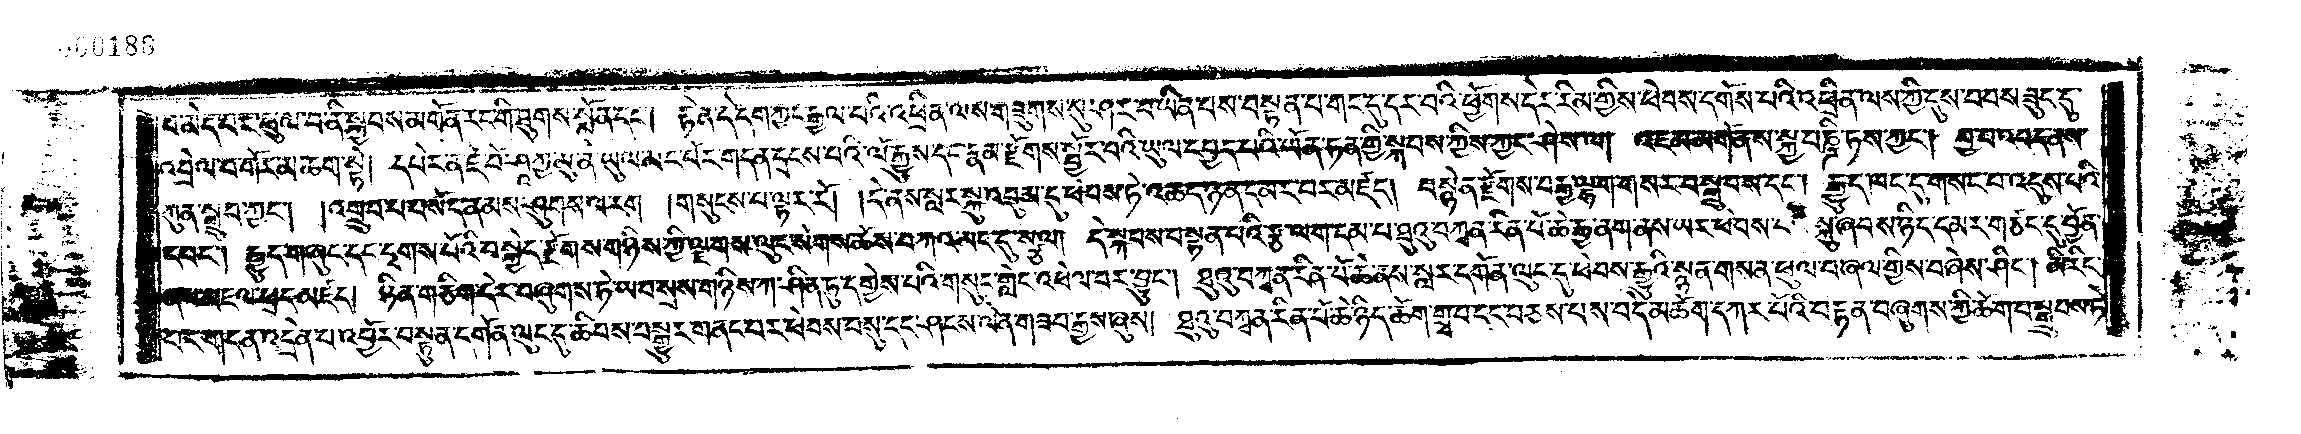བ་མེད་པར་ཕུལ་བ་ནི་སྐྱབས་མགོན་རང་གི་ཐུགས་སྨོན་དང་། རྟེན་དེ་དག་ཀྱང་རྒྱལ་བའི་འཕྲིན་ལས་གཟུགས་སུ་ཤར་བ་ཡིན་པས་བསྟན་པ་གང་དུ་དར་བའི་ཕྱོགས་དེར་རིམ་གྱིས་ཕེབས་དགོས་པའི་འཕྲིན་ལས་ཀྱི་དུས་བབས་ཟུང་དུ་
འབྲེལ་བ་གོར་མ་ཆག་སྟེ། དཔེར་ན་ཇོ་བོ་ཤཱཀྱ་མུ་ནེ་ཡུལ་མང་པོར་གདན་དྲངས་པའི་ལོ་རྒྱུས་དང་རྣམ་རྫོགས་སྤྱོར་བའི་ཡུལ་དཔྱད་པའི་ཡོན་ཏན་གྱི་སྐབས་ཀྱིས་ཀྱང་ཤེས་ལ། འཇམ་མགོན་ས་སྐྱ་པཎྜི་ཏས་ཀྱང་། བྱ་བ་འབད་ནས་
ཀུན་སྒྲུབ་ཀྱང་། །འགྲུབ་པ་བསོད་ནམས་ཤུགས་ལ་རག །གསུངས་པ་ལྟར་རོ། །དེ་ནས་སླར་སྐུ་འབུམ་དུ་ཕེབས་ཏེ་འཆད་ཉན་དམར་བར་མཛད། བསྙེན་རྫོགས་བརྒྱ་ལྷག་གསར་བསྒྲུབས་དང་། རྒྱུད་ཁང་དུ་གསང་བ་འདུས་པའི་
དབང་། རྒྱུད་གཞུང་དང་དྭགས་པོའི་བསྐྱེད་རྫོགས་གཉིས་ཀྱི་ལྗགས་ལུང་སེགས་ཆོས་བཀའ་མང་དུ་སྩལ། དེ་སྐབས་བསྟན་པའི་རྩ་ལག་དམ་པ་ཐུའུ་བཀྭན་རིན་པོ་ཆེ་རྒྱ་ནག་ནས་ཡར་ཕེབས་པའི་སྐུ་ཞབས་ཉིད་དམར་གཙང་དུ་བྱོན་
ནས་མཇལ་ཕྲད་མཛད། ཉིན་གཅིག་དེར་བཞུགས་ཏེ་ཡབ་སྲས་གཉིས་ཀ་ཤིན་ཏུ་དགྱེས་པའི་གསུང་གླེང་འཕེལ་བར་བྱུང་། ཐུའུ་བཀྭན་རིན་པོ་ཆེ་ནས་སླར་དགོན་ལུང་དུ་ཕེབས་རྒྱུའི་སྙན་གསན་ཕུལ་བ་ཞལ་གྱིས་བཞེས་ཤིང་། མི་རིང་
བར་གདན་འདྲེན་པ་འབྱོར་བསྟུན་དགོན་ལུང་དུ་ཆིབས་བསྒྱུར་གནང་བར་ཕེབས་བསུ་དང་ཤངས་ལེན་གཟབ་རྒྱས་ཞུས། ཐུའུ་བཀྭན་རིན་པོ་ཆེ་ཉིད་ཆོག་གྲྭ་བ་དང་བཅས་པས་བདེ་མཆོག་དཀར་པོའི་བརྟན་བཞུགས་ཀྱི་ཆོ་ག་བསྒྲུབས་ཏེ་